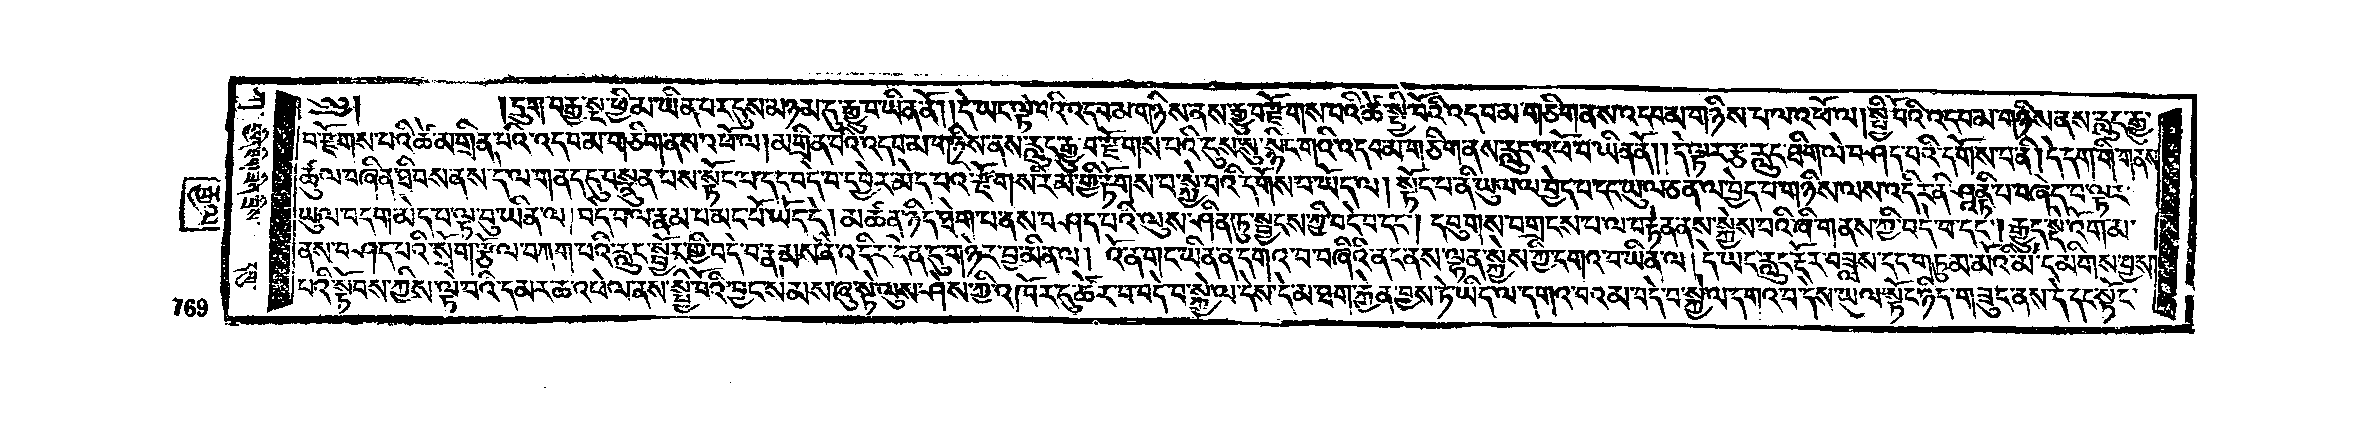༄༅། །དྲུག་བརྒྱ་སྔ་ཕྱི་མ་ཡིན་པར་དུས་མཉམ་དུ་རྒྱུ་བ་ཡིན་ནོ། །དེ་ཡང་ལྟེ་བའི་འདབ་མ་གཉིས་ནས་རྒྱུ་བ་རྫོགས་པའི་ཚེ་སྤྱི་བོའི་འདབ་མ་གཅིག་ནས་འདབ་མ་གཉིས་པ་ལ་འཕོ་ལ། སྤྱི་བོའི་འདབ་མ་གཉིས་ནས་རླུང་རྒྱུ་
བ་རྫོགས་པའི་ཚེ་མགྲིན་པའི་འདབ་མ་གཅིག་ནས་འཕོ་ལ། མགྲིན་པའི་འདབ་མ་གཉིས་ནས་རླུང་རྒྱུ་བ་རྫོགས་པའི་དུས་སུ་སྙིང་གའི་འདབ་མ་གཅིག་ནས་རླུང་འཕོ་བ་ཡིན་ནོ། །དེ་ལྟར་རྩ་རླུང་ཐིག་ལེ་བཤད་པའི་དགོས་པ་ནི། དེ་དག་གི་གནས་
ཚུལ་བཞིན་ཐིབས་ནས་དེ་ལ་གནད་དུ་བསྣུན་པས་སྟོང་པ་དང་བདེ་བ་དབྱེར་མེད་པའི་རྫོགས་རིམ་གྱི་རྟོགས་པ་སྐྱེ་བའི་དགོས་པ་ཡོད་ལ། སྟོང་པ་ནི་ཡུལ་ལ་བྱེད་པ་དང་ཡུལ་ཅན་ལ་བྱེད་པ་གཉིས་ལས་འདིར་ནི་ཤཱནཏི་པ་བཞེད་པ་ལྟར་
ཡུལ་བདག་མེད་པ་ལྟ་བུ་ཡིན་ལ། བདེ་བ་ལ་རྣམ་པ་མང་པོ་ཡོད་དེ། མཚན་ཉིད་ཐེག་པ་ནས་བཤད་པའི་ལུས་ཤིན་ཏུ་སྦྱངས་ཀྱི་བདེ་བ་དང་། དབུགས་བགྲངས་པ་ལ་བརྟེན་ནས་སྐྱེས་པའི་ཞི་གནས་ཀྱི་བདེ་བ་དང་། རྒྱུད་སྡེ་འོག་མ་
ནས་བཤད་པའི་སྲོག་རྩོལ་བཀག་པའི་རླུང་སྦྱོར་གྱི་བདེ་བ་རྣམས་ནི་འདིར་དོན་དུ་གཉེར་བྱ་མིན་ལ། འོ་ན་གང་ཡིན་ན་དགའ་བ་བཞིའི་ནང་ནས་ལྷན་སྐྱེས་ཀྱི་དགའ་བ་ཡིན་ལ། དེ་ཡང་རླུང་རྡོར་བཟླས་དང་གཏུམ་མོའི་མེ་དམིགས་བྱས་
པའི་སྟོབས་ཀྱིས་ལྟེ་བའི་དམར་ཆ་འཕེལ་ནས་སྤྱིའི་བོའི་བྱང་སེམས་ཞུ་སྟེ་ལུས་ཤེས་ཀྱི་འཁོར་དུ་ཚེར་བ་བདེ་བ་སྐྱེ་ལ་དེས་དེ་མ་ཐག་རྐྱེན་བྱས་ཏེ་ཡིད་ལ་དགའ་བའམ་བདེ་བ་སྐྱེལ་དགའ་བ་དེས་ཡུལ་སྟོང་ཉིད་གཟུང་ནས་དེ་དང་སྟོང་